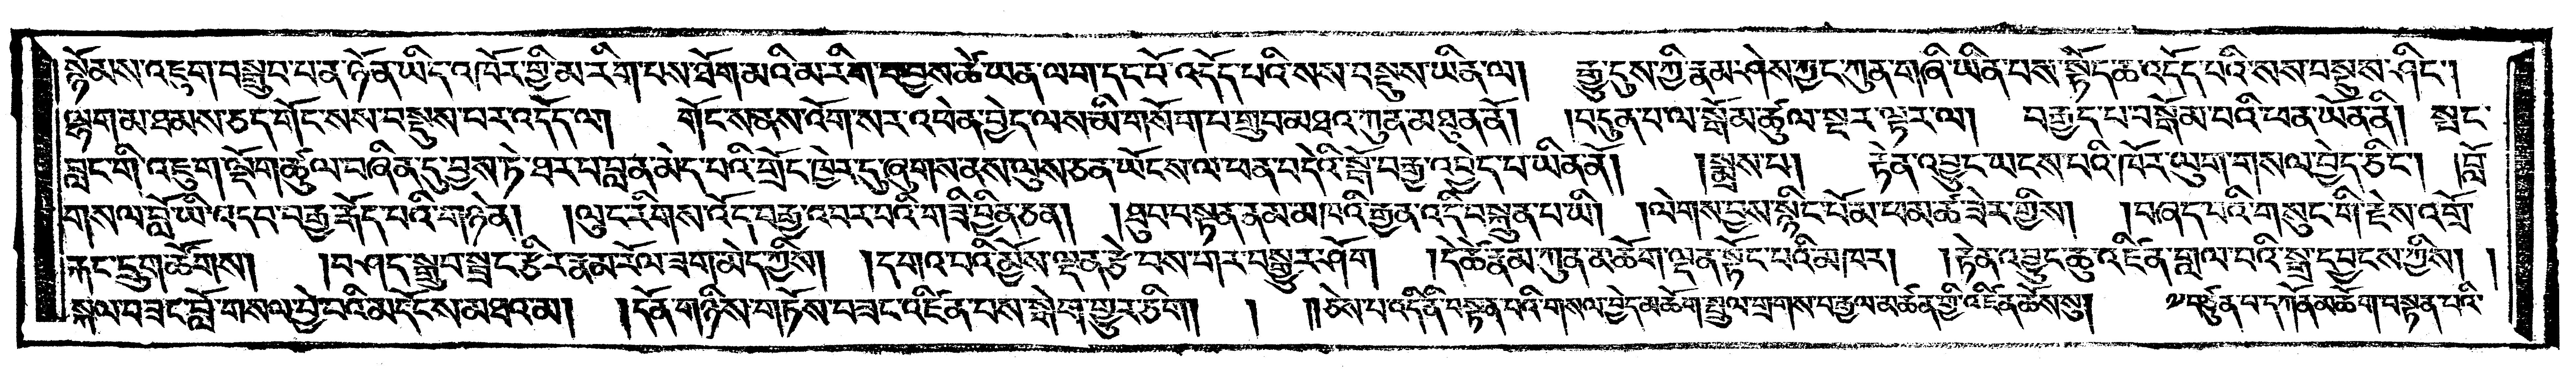སྙོམས་འཇུག་བསྒྲུབ་པ་ན་ཉོན་ཡིད་འཁོར་གྱི་མ་རིག་པས་ཐོག་མའི་མ་རིག་བ་བྱས་ཚེ་ཡན་ལག་དང་པོ་འདོད་པའི་སས་བསྡུས་ཡིན་ལ། རྒྱུ་དུས་ཀྱི་རྣམ་ཤེས་ཀྱང་ཀུན་གཞི་ཡིན་པས་སྟོད་ཆ་འདོད་པའི་སས་བསྡུས་ཤིང་།
ལྷག་མ་ཐམས་ཅད་གོང་སས་བསྡུས་པར་འདོད་ལ། གོང་ས་ནས་འོག་སར་འཕེན་བྱེད་ལས་མི་གསོག་པ་གྲུབ་མཐའ་ཀུན་མཐུན་ནོ། །བདུན་པ་ལ་སྒོམ་ཚུལ་སྔར་ལྟར་ལ། བརྒྱད་པས་བསྒོམ་པའི་མ་བའི་ཕན་ཡོན་ནི། སྤང་
བླང་གི་འཇུག་ལྡོག་ཚུལ་བཞིན་དུ་བྱས་ཏེ་ཐར་བ་བླ་ན་མེད་པའི་གྲོང་ཁྱེར་དུ་ཞུགས་ནས་ལུས་ཅན་ཡོངས་ལ་ཕན་བདེའི་སྒོ་བརྒྱ་འབྱེད་པ་ཡིན་ནོ། །སྨྲས་པ། རྟེན་འབྱུང་ཡངས་པའི་ཁོར་ཡུག་གསལ་བྱེད་ཅིང་། །བློ་
གསལ་བློ་ཡི་འདབ་བརྒྱ་རྒོད་པའི་གཉེན། །ལུད་རིགས་འོད་བརྒྱ་འབར་བའི་གཟི་བྱིན་ཅན། །ཐུབ་བསྟན་ནམ་མཁའི་རྒྱན་འདི་བསྐྲུན་པ་ཡི། །ལོགས་བྱས་སྙིང་པོ་མ་ཕམ་ཚ་ཟེར་གྱིས། །བཞད་བའི་གསུང་གི་རྗེས་འགྲོ་
རྐང་དྲུག་ཚོགས། །བཤད་སྒྲུབ་སྦྲང་རྩིར་རྣམ་རོལ་ཟག་མེད་ཀྱིས། །དགའ་བའི་མྱོས་ལྡན་རྩེ་བས་གར་བསྒྱུར་ཤོག །དེ་ཚེ་རྣམ་ཀུན་མཆོག་ལྡན་སྟོང་པའི་མཁར། །རྟེན་འབྱུང་ཆུ་འཛིན་གླལ་བའི་སྒྲ་དབྱངས་ཀྱིས། །
སྐལ་བཟང་བློ་གསལ་བྱེ་བའི་མདོངས་མཐའ་མ། །དོན་གཉིས་གཏོས་བཟང་འཛིན་བས་སྒེག་གྱུར་ཅིག། ། །།ཅེས་པ་འདི་ནི་བསྟན་པའི་གསལ་བྱེད་མཆོག་སྤྲུལ་གྲགས་བ་རྒྱལ་མཚན་གྱི་འཛིན་ཆོས་སུ། ༧བཙུན་ཕ་དཀོན་མཆོག་བསྟན་པའི་